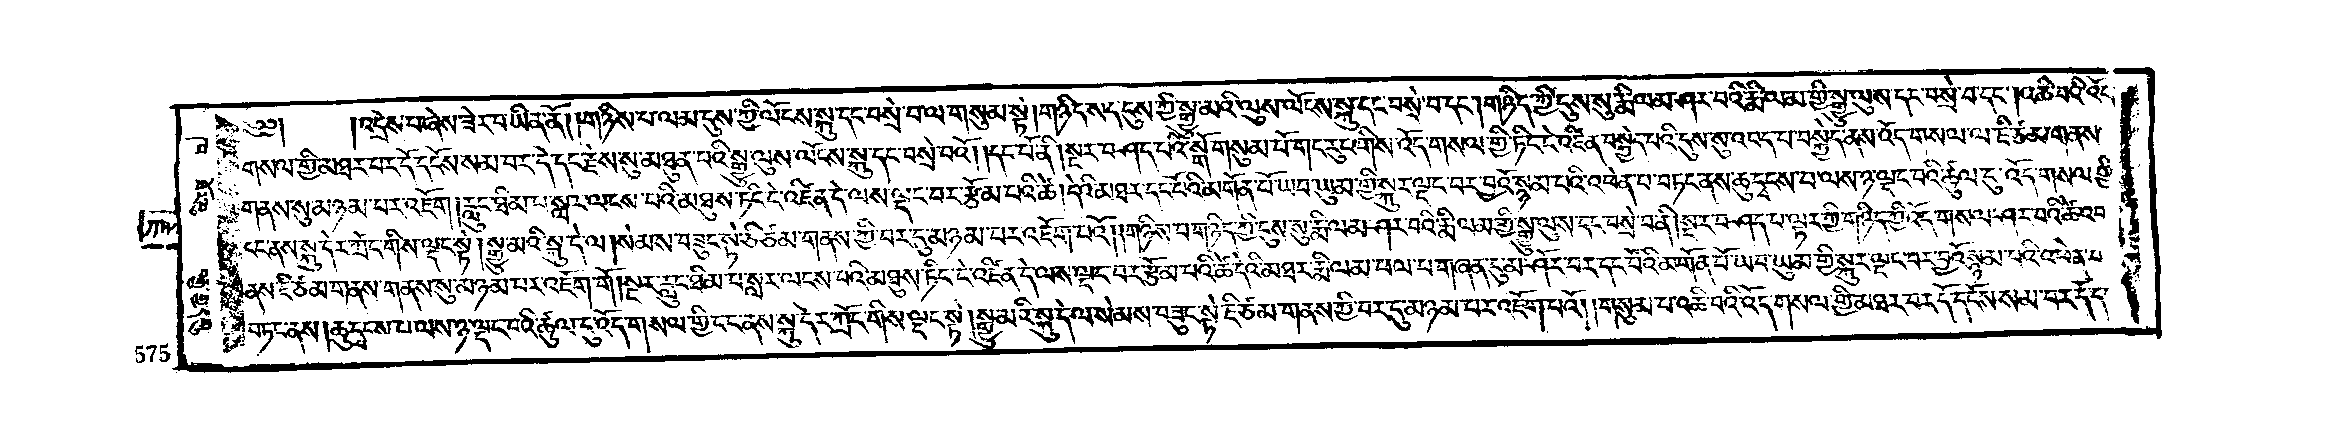༄༅། །འདྲེས་པ་ཞེས་ཟེར་བ་ཡིན་ནོ། །གཉིས་པ་ལམ་དུས་ཀྱི་ལོངས་སྐུ་དང་བསྲེ་བ་ལ་གསུམ་སྟེ། གཉིད་སད་དུས་ཀྱི་སྒྱུ་མའི་ལུས་ལོངས་སྐུ་དང་བསྲེ་བ་དང་། གཉིད་ཀྱི་དུས་སུ་རྨི་ལམ་ཤར་བའི་རྨི་ལམ་གྱི་སྒྱུ་ལུས་དང་བསྲེ་བ་དང་། འཆི་བའི་འོད་
གསལ་གྱི་མཐར་བར་དོ་དངོས་སམ་བར་དོ་དང་རྗེས་སུ་མཐུན་པའི་སྒྱུ་ལུས་ལོངས་སྐུ་དང་བསྲེ་བའོ། །དང་པོ་ནི། སྔར་བཤད་པའི་སྒོ་གསུམ་པོ་གང་རུང་གིས་འོད་གསལ་གྱི་ཏིང་ངེ་འཛིན་བསྐྱེད་པའི་དུས་སུ་འབད་པ་བསྐྱེད་ནས་འོད་གསལ་ལ་ཇི་ཙམ་གནས་
གནས་སུ་མཉམ་པར་འཇོག །རླུང་ཐིམ་པ་སླར་ལངས་པའི་མཐུས་ཏིང་ངེ་འཛིན་དེ་ལས་ལྡང་བར་རྩོམ་པའི་ཚེ། དེའི་མཐར་དང་པོའི་མགོན་པོ་ཡབ་ཡུམ་གྱི་སྐུར་ལྡང་བར་བྱའོ་སྙམ་པའི་འཕེན་པ་བཏང་ནས་ཆུ་དྭངས་པ་ལས་ཉ་ལྡང་བའི་ཚུལ་དུ་འོད་གསལ་གྱི་
ངང་ནས་སྐུ་དེར་ཀྲོང་གིས་ལྡན་སྟེ། སྒྱུ་མའི་སྐུ་དེ་ལ། སེམས་བཟུང་སྟེ་ཅི་ཙམ་གནས་ཀྱི་བར་དུ་མཉམ་པར་འཇོག་པའོ། །གཉིས་པ་གཉིད་ཀྱི་དུས་སུ་རྨི་ལམ་ཤར་བའི་རྨི་ལམ་གྱི་སྒྱུ་ལུས་དང་བསྲེ་བ་ནི། སྔར་བཤད་པ་ལྟར་གྱི་གཉིད་ཀྱི་འོད་གསལ་ཤར་བའི་ཚེ་འབད་
ནས་ཇི་ཙམ་གནས་གནས་སུ་མཉམ་པར་འཇོག་གོ །སྔར་རླུང་ཐིམ་པ་སླར་ལངས་པའི་མཐུས་ཏིང་ངེ་འཛིན་དེ་ལས་ལྡང་བར་རྩོམ་པའི་ཚེ་དེའི་མཐར་རྨི་ལམ་ཕལ་པ་གཞན་དུ་མ་ཤོར་བར་དང་པོའི་མགོན་པོ་ཡབ་ཡུམ་གྱི་སྐུར་ལྡང་བར་བྱའོ་སྙམ་པའི་འཕེན་པ་
བཏང་ནས། ཆུ་དྭངས་པ་ལས་ཉ་ལྡང་བའི་ཚུལ་དུ་འོད་གསལ་གྱི་ངང་ནས་སྐུ་དར་ཀྲོང་གིས་ལྡང་སྟེ། སྒྱུ་མའི་སྐུ་དེ་ལ་སེམས་བཟུང་སྟེ་ཇི་ཙམ་གནས་ཀྱི་བར་དུ་མཉམ་པར་འཇོག་པའོ། །གསུམ་པ་འཆི་བའི་འོད་གསལ་གྱི་མཐར་བར་དོ་དངོས་སམ་བར་དོ་དང་